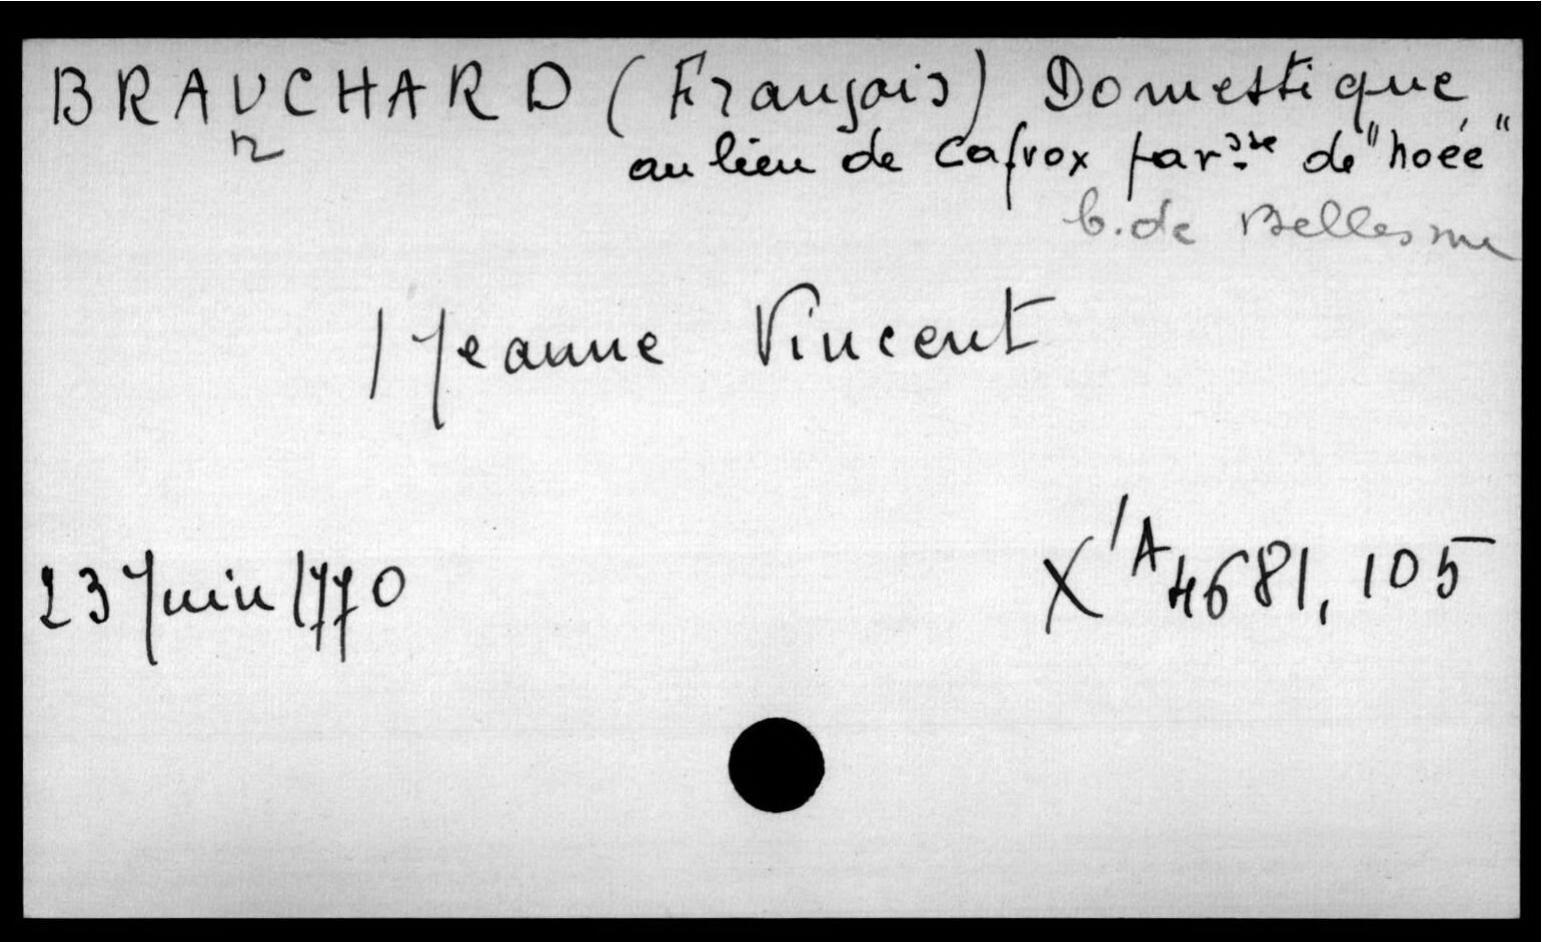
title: BRANCHARD (François) Domestique au lieu de Cafvox paroisse de "Noéé" bailliage de Bellesme
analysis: Contre Jeanne Vincent
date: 23 juin 1770
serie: X1A
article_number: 4681
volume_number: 105
